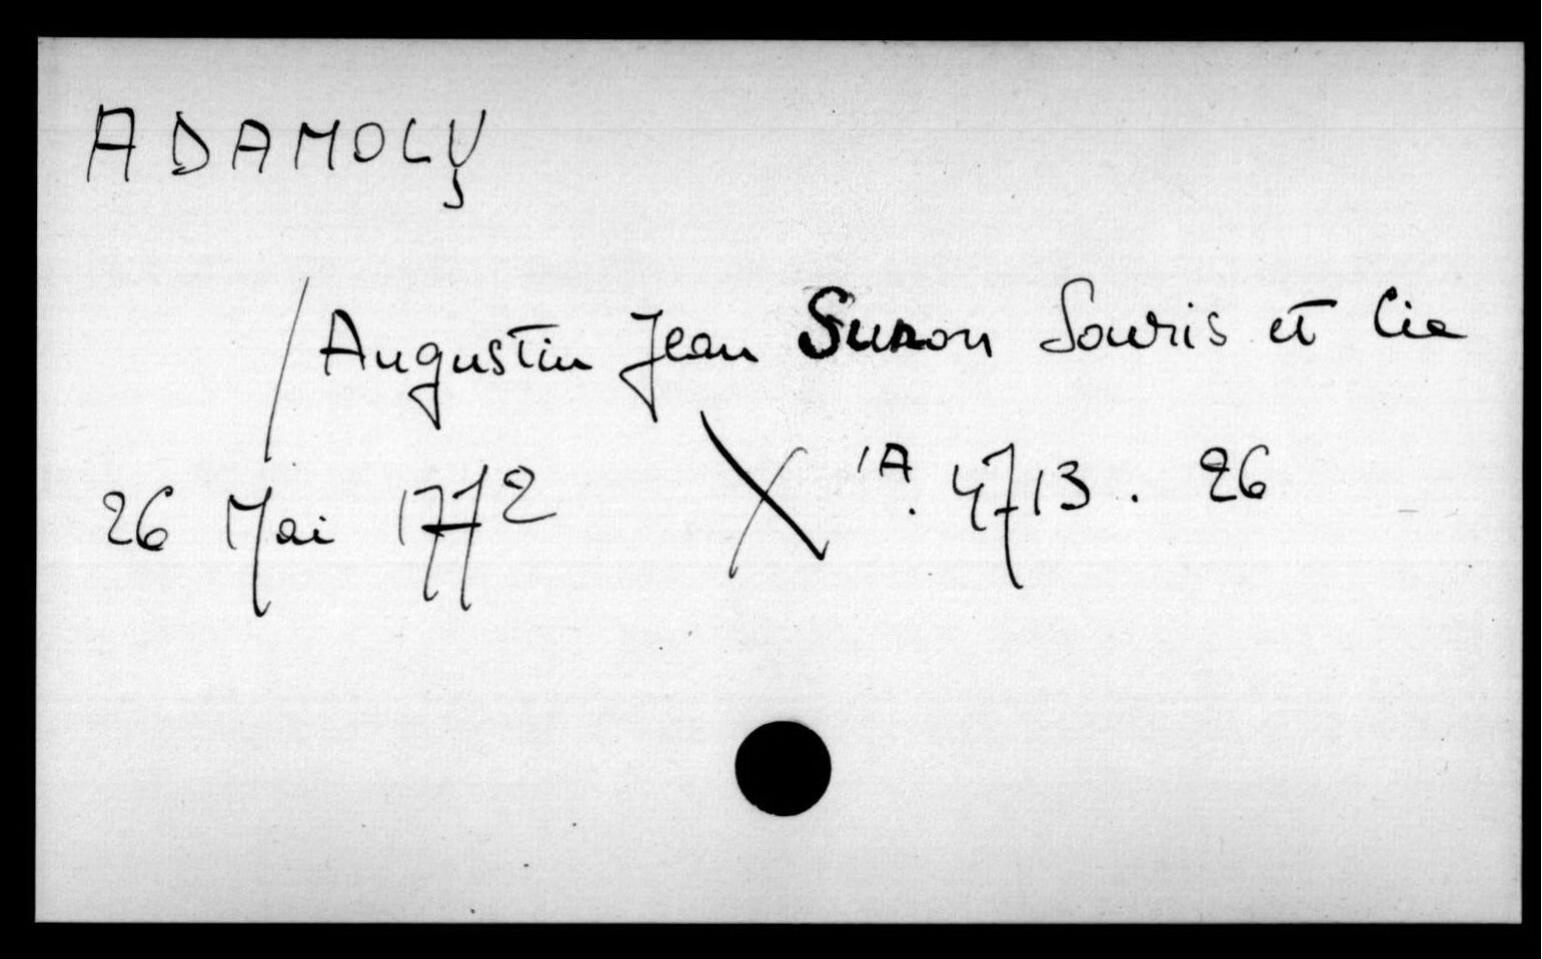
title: ADAMOLY
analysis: Contre Augustin Jean Suron Souris et compagnie
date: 26 mai 1772
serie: X1A
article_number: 4713
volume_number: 26
